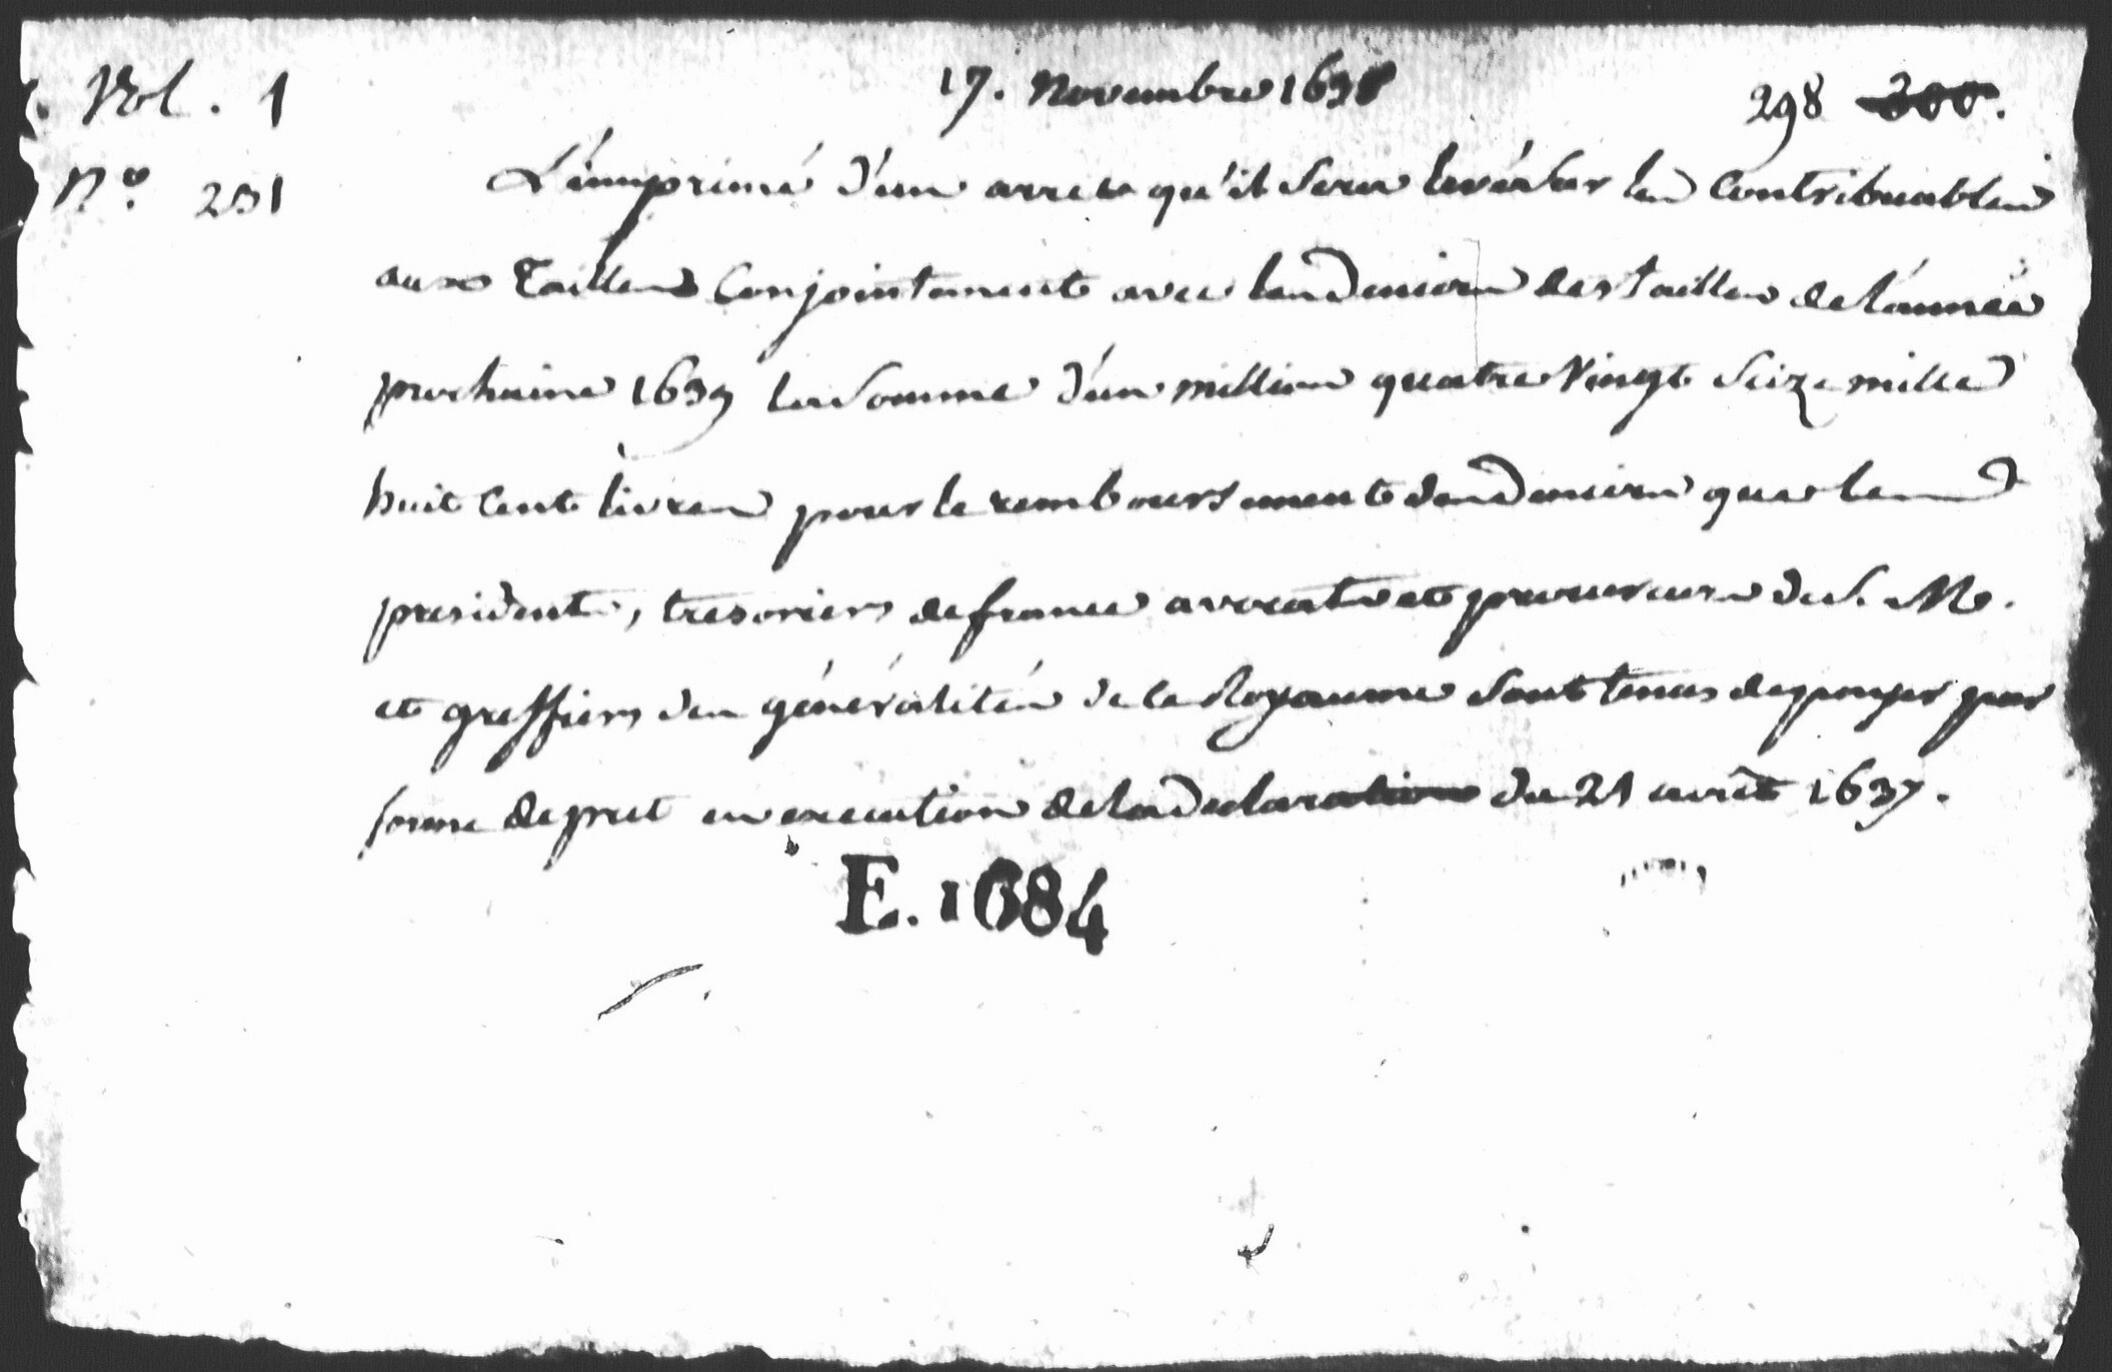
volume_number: n°231
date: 17 novembre 1638
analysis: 298 [300 barré]
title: L'imprimé d'un arret qu'il sera levé sur les contribuables aux tailles conjointement avec les deniers des tailles de l'année prochaine 1639 la somme d'un million quatre vingt seize mille huit cent livres pour le remboursement des deniers que les presidents, tresoriers de france avocats et procureurs de S M. et greffiers des généralités de ce Royaume sont tenus de payer par forme de prêt en execution de la declaration du 21 août 1637.
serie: E
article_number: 1684
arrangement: vol. 1
